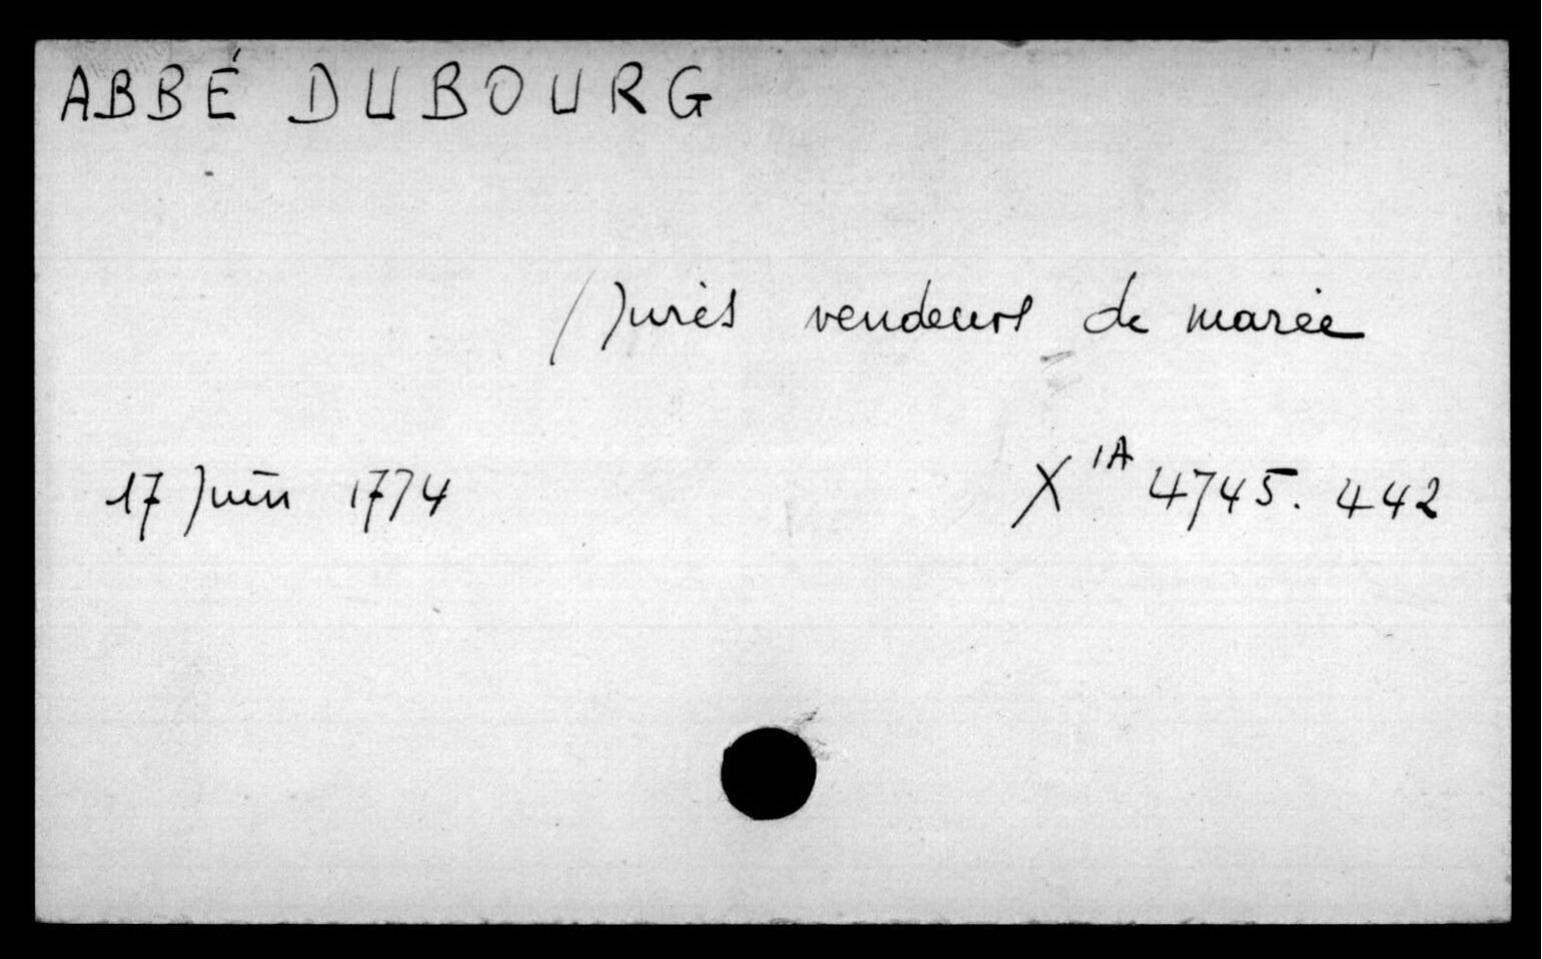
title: Abbé Dubourg
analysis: Contre jurés vendeurs de marée
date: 17 juin 1774
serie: X1A
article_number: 4745
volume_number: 442
